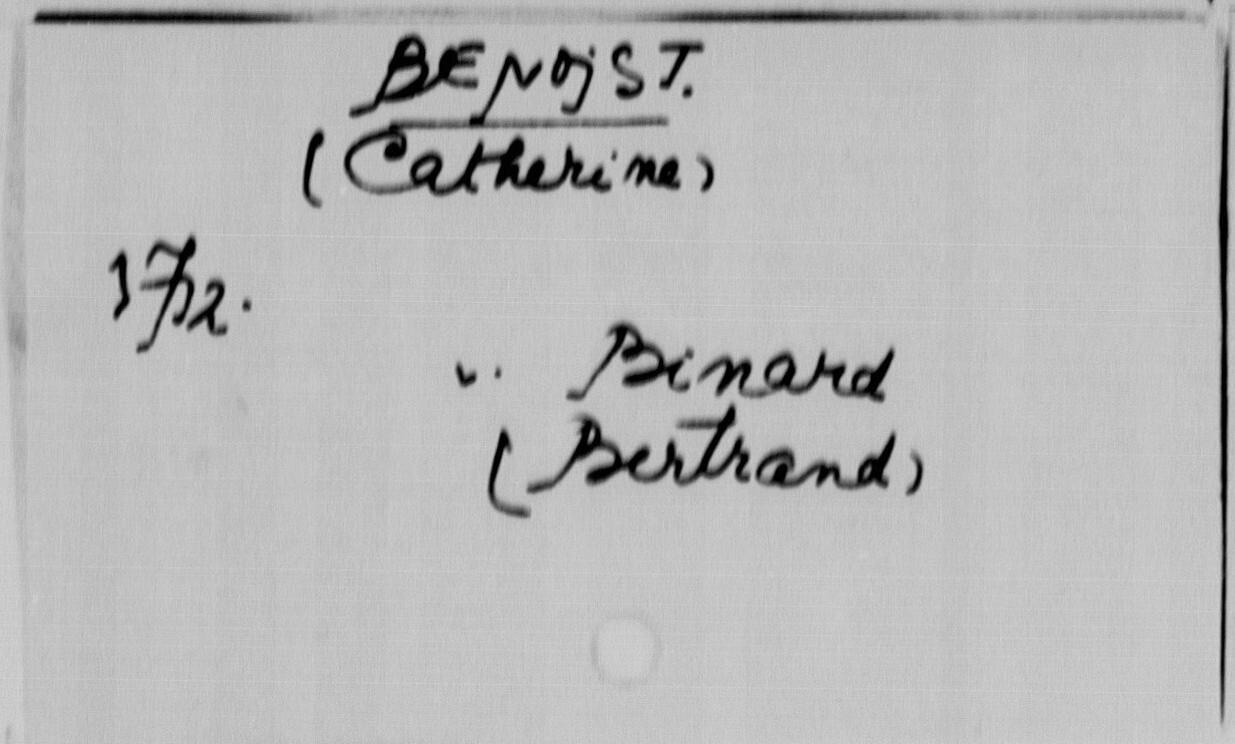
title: BENOIST (Catherine)
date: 1712
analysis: Voir : BINARD (Bertrand)
